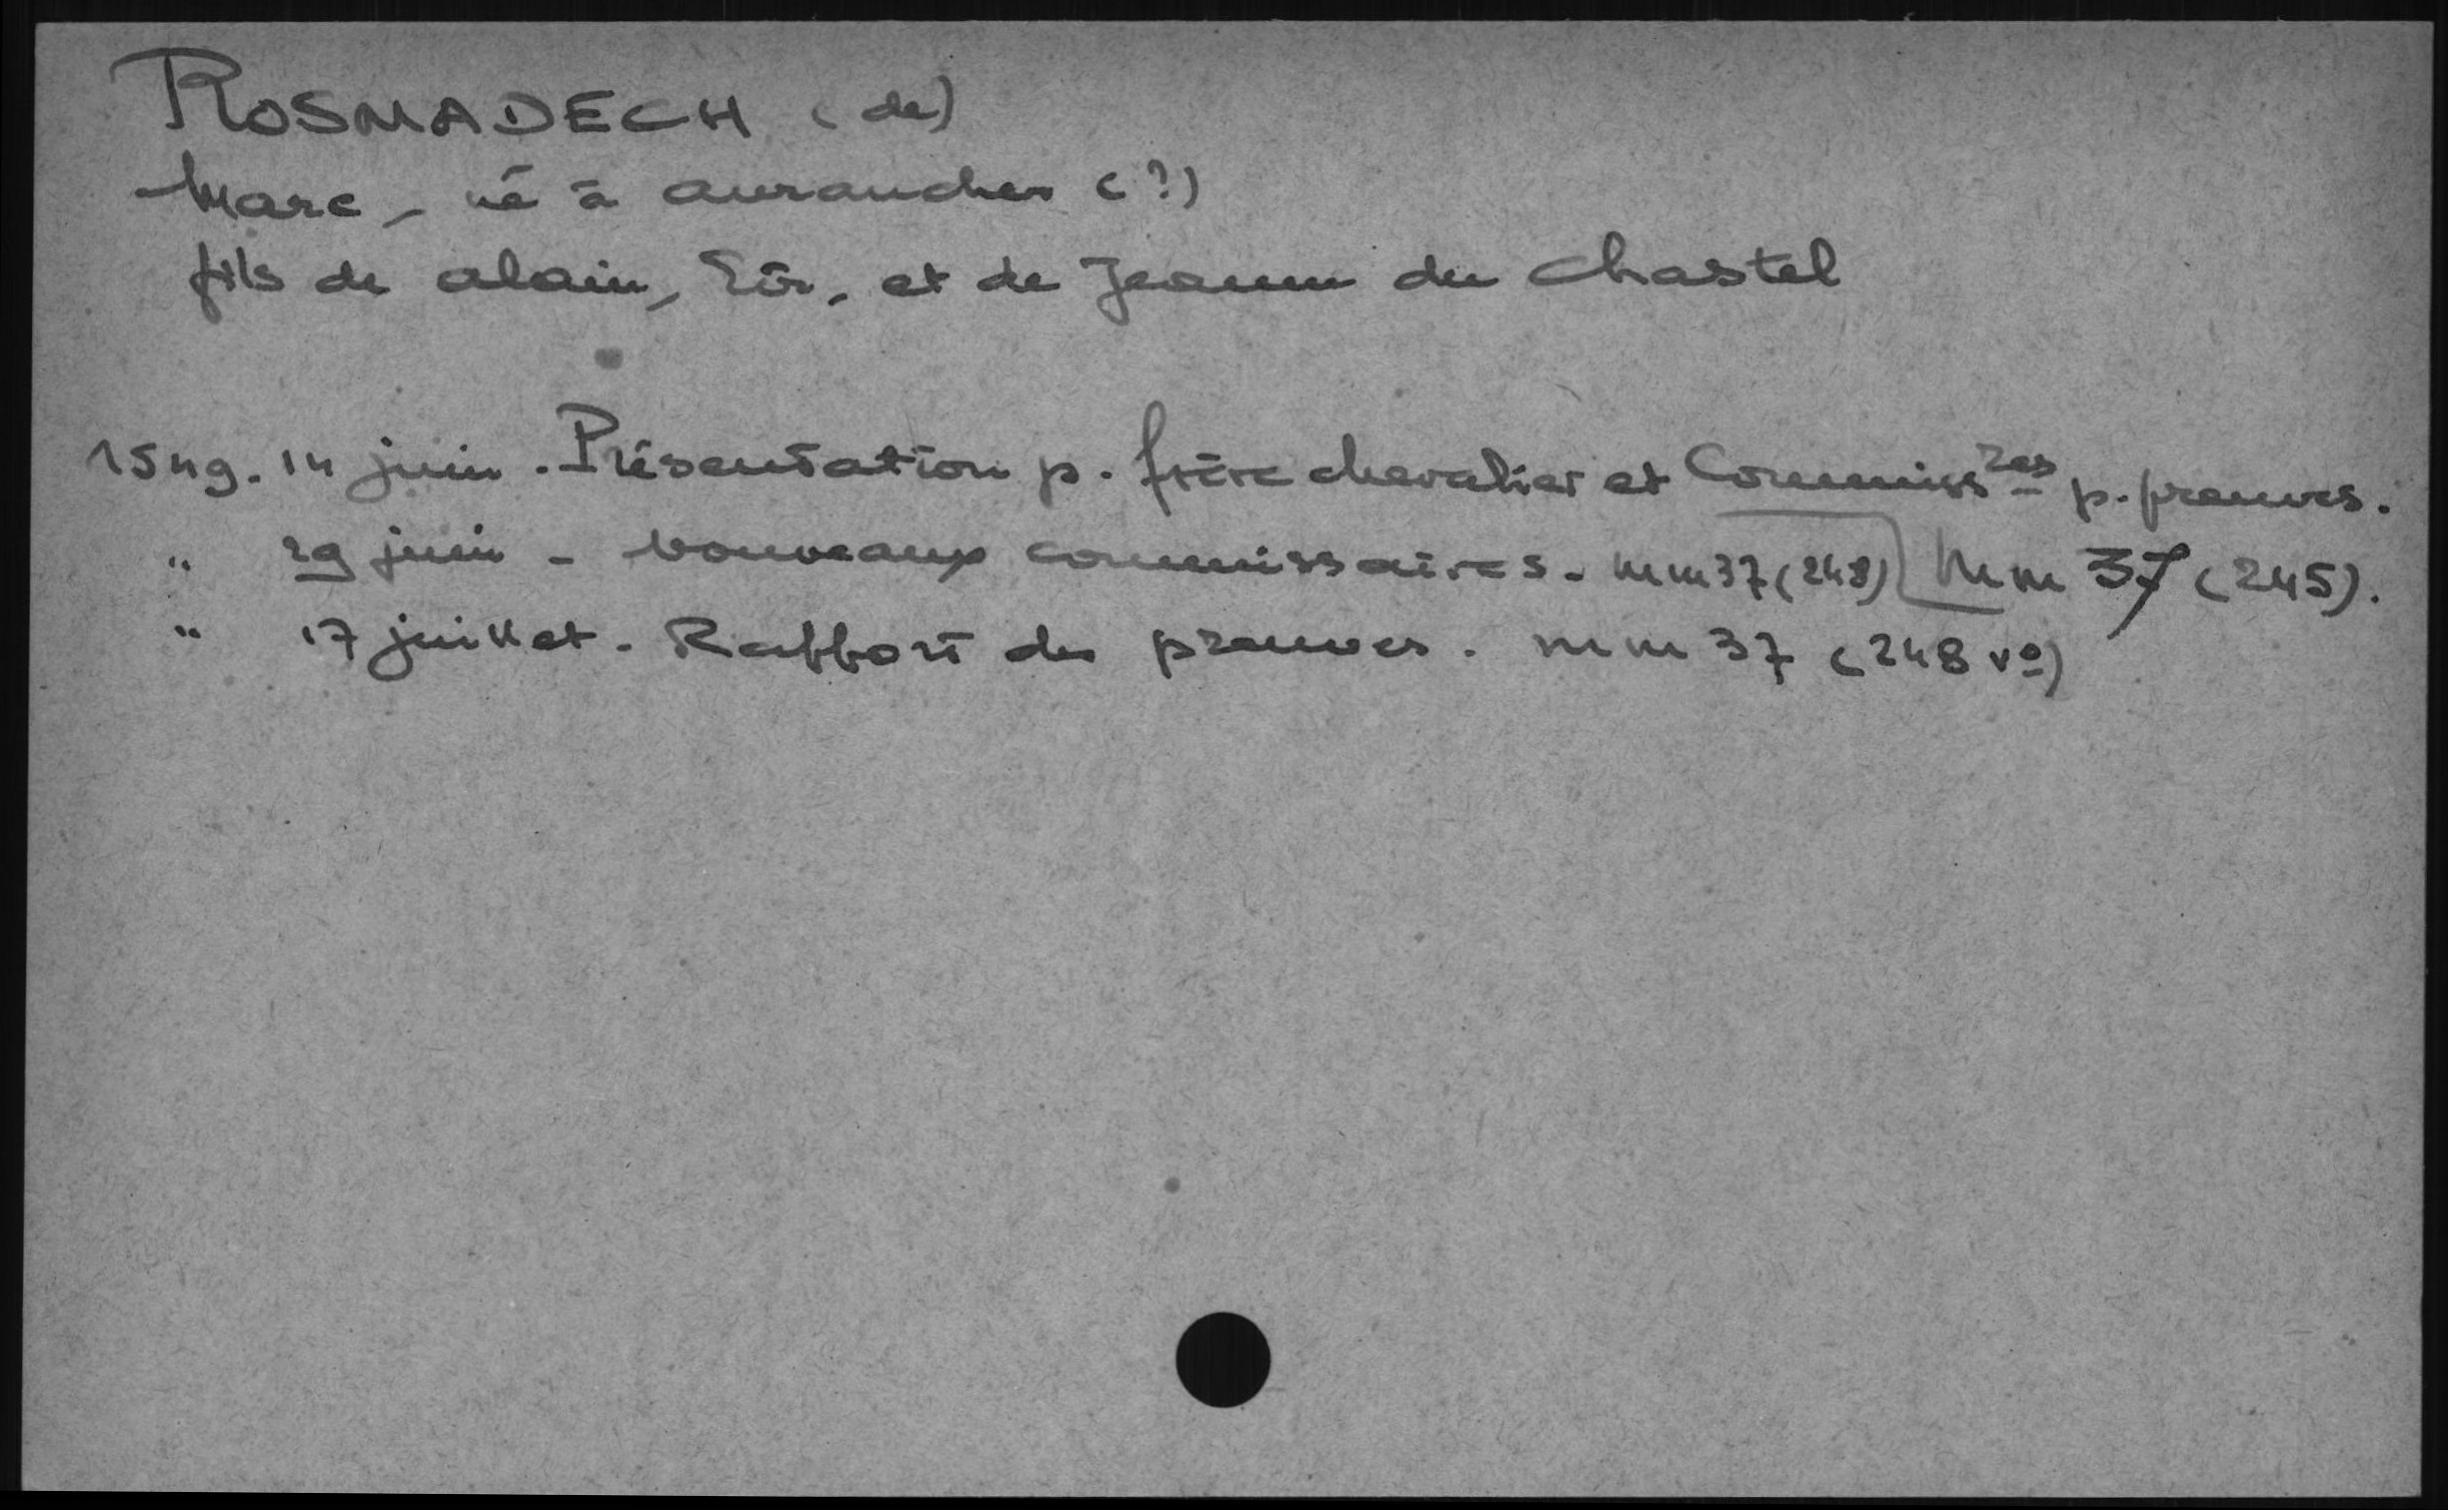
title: ROSMADECH (de) Marc, né à Avranches (?) fils de Alain, écuyer, et de Jeanne du CHASTEL
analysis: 1549, 14 juin. Présentation pour frère chevalier et commissaires pour preuves. MM 37 (245). " 19 juin. Nouveaux commissaires. MM 37 (248). " 17 juillet. Rapport des preuves. MM 37 (248v)
